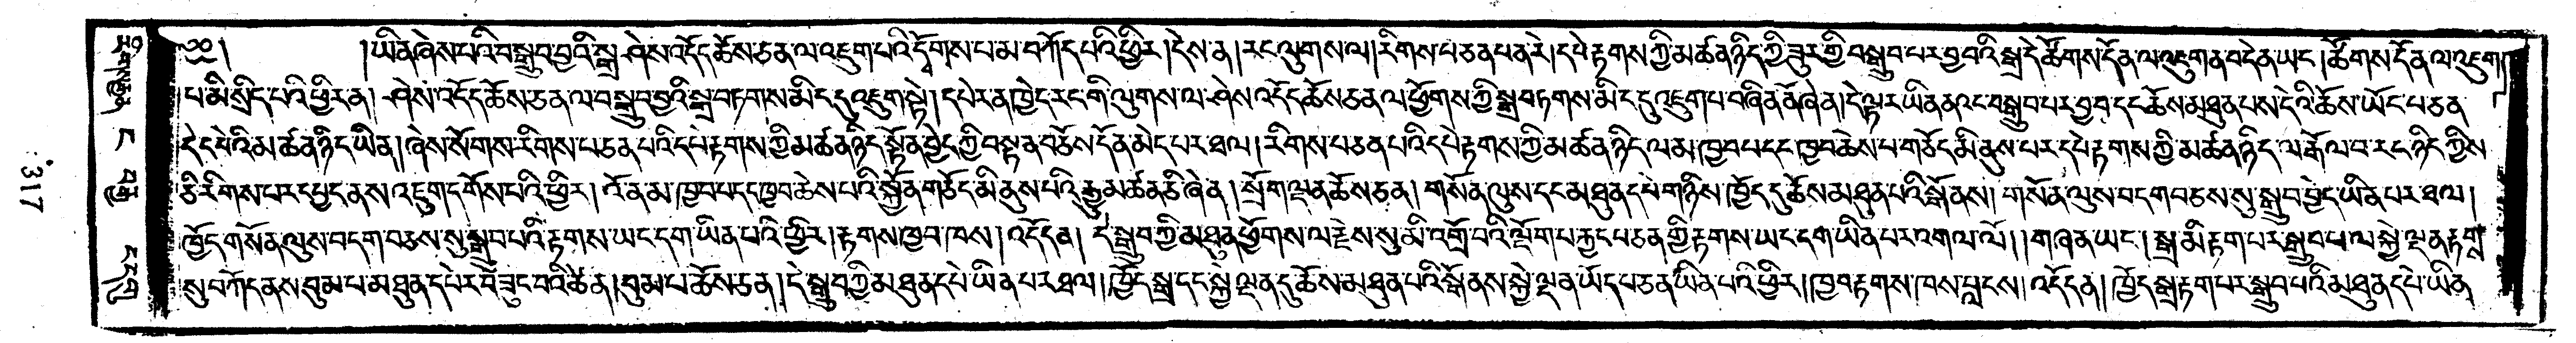༄༅། །ཡིན་ཞེས་པའི་བསྒྲུབ་བྱའི་སྒྲ་ཤེས་འདོད་ཆོས་ཅན་ལ་འཇུག་པའི་དྭོགས་པ་མ་བཀོད་པའི་ཕྱིར། དེས་ན། རང་ལུགས་ལ། རིགས་པ་ཅན་པ་ན་རེ། དཔེ་རྟགས་ཀྱི་མཚན་ཉིད་ཀྱི་ཟུར་གྱི་བསྒྲུབ་པར་བྱ་བའི་སྒྲ་དེ་ཚོགས་དོན་ལ་འཇུག་ན་བདེན་ཡང་། ཚོགས་དོན་ལ་འཇུག་
པ་མི་སྲིད་པའི་ཕྱིར་ན། ཤེས་འདོད་ཆོས་ཅན་ལ་བསྒྲུབ་བྱའི་སྒྲ་བཏགས་མིང་དུ་འཇུག་སྟེ། དཔེར་ན་ཁྱེད་རང་གི་ལུགས་ལ་ཤེས་འདོད་ཆོས་ཅན་ལ་ཕྱོགས་ཀྱི་སྒྲ་བཏགས་མིང་དུ་འཇུག་པ་བཞིན་ནོ་ཞེ་ན། དེ་ལྟར་ཡིན་ནའང་བསྒྲུབ་པར་བྱ་བ་དང་ཆོས་མཐུན་པས་དེའི་ཆོས་ཡོད་པ་ཅན་
དེ་དཔེའི་མཚན་ཉིད་ཡིན། ཞེས་སོགས་རིགས་པ་ཅན་པའི་དཔེ་རྟགས་ཀྱི་མཚན་ཉིད་སྟོན་བྱེད་ཀྱི་བསྟན་བཅོས་དོན་མེད་པར་ཐལ། རིགས་པ་ཅན་པའི་དཔེ་རྟགས་ཀྱི་མཚན་ཉིད་ལ་མ་ཁྱབ་པ་དང་ཁྱབ་ཆེས་པ་གཅོད་མི་ནུས་པར་དཔེ་རྟགས་ཀྱི་མཚན་ཉིད་ལ་རྒོལ་བ་རང་ཉིད་ཀྱིས་
ཅི་རིགས་པར་དཔྱད་ནས་འཇུག་དགོས་པའི་ཕྱིར། འོ་ན་མ་ཁྱབ་པ་དང་ཁྱབ་ཆེས་པའི་སྐྱོན་གཅོད་མི་ནུས་པའི་རྒྱུ་མཚན་ཅི་ཞེ་ན། སྲོག་ལྡན་ཆོས་ཅན། གསོན་ལུས་དང་མཐུན་དཔེ་གཉིས་ཁྱོད་དུ་ཆོས་མཐུན་པའི་སྒོ་ནས། གསོན་ལུས་བདག་བཅས་སུ་སྒྲུབ་བྱེད་ཡིན་པར་ཐལ།
ཁྱོད་གསོན་ལུས་བདག་བཅས་སུ་སྒྲུབ་པའི་རྟགས་ཡང་དག་ཡིན་པའི་ཕྱིར། རྟགས་ཁྱབ་ཁས། འདོད་ན། དེ་སྒྲུབ་ཀྱི་མཐུན་ཕྱོགས་ལ་རྗེས་སུ་མི་འགྲོ་བའི་ལྡོག་པ་རྐྱང་པ་ཅན་གྱི་རྟགས་ཡང་དག་ཡིན་པར་འགལ་ལོ། །གཞན་ཡང་། སྒྲ་མི་རྟག་པར་སྒྲུབ་པ་ལ་སྐྱེ་ལྡན་རྟགས་
སུ་བཀོད་ནས་བུམ་པ་མཐུན་དཔེར་བཟུང་བའི་ཚེ་ན། བུམ་པ་ཆོས་ཅན། དེ་སྒྲུབ་ཀྱི་མཐུན་དཔེ་ཡིན་པར་ཐལ། ཁྱོད་སྒྲ་དང་སྐྱེ་ལྡན་དུ་ཆོས་མཐུན་པའི་སྒོ་ནས་སྐྱེ་ལྡན་ཡོད་པ་ཅན་ཡིན་པའི་ཕྱིར། ཁྱབ་རྟགས་ཁས་བླངས། འདོད་ན། ཁྱོད་སྒྲ་རྟག་པར་སྒྲུབ་པའི་མཐུན་དཔེ་ཡིན་